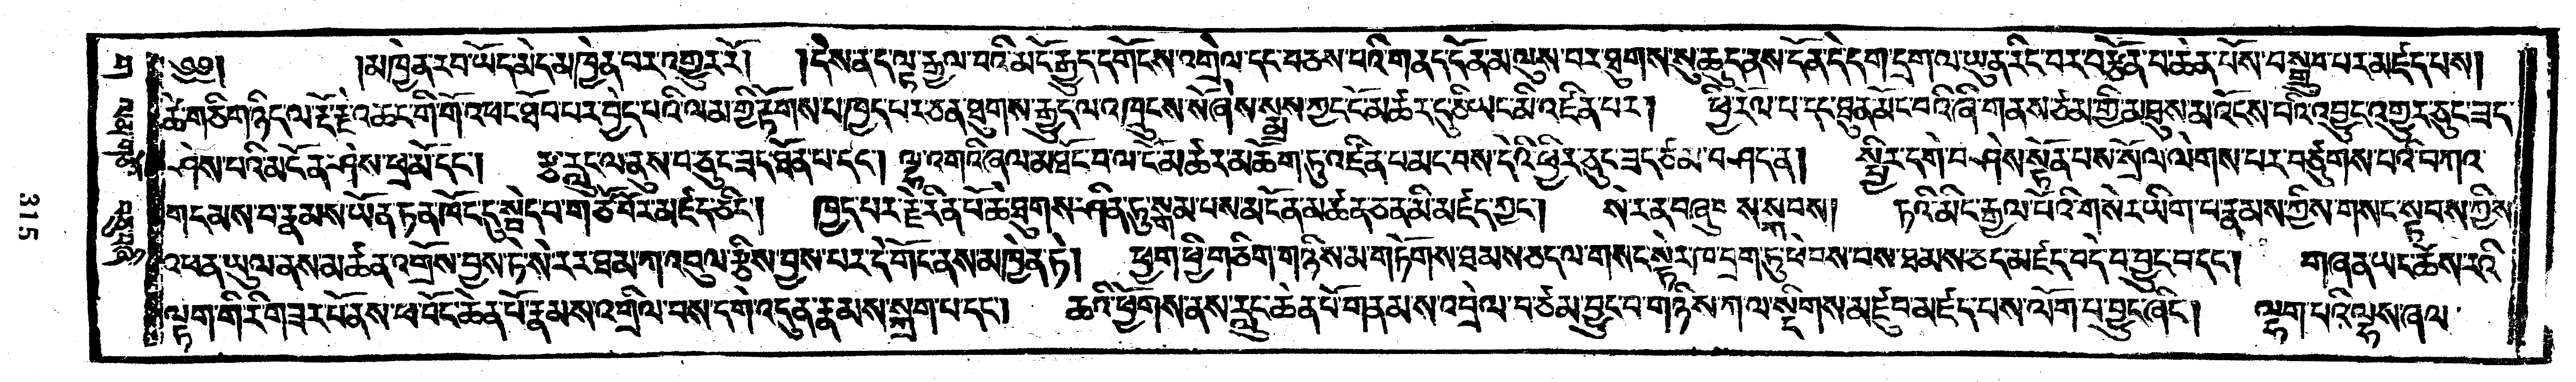༄༅། །མཁྱེན་རབ་ཡོད་མེད་མཁྱེན་པར་འགྱུར་རོ། །དེས་ན་ད་ལྟ་རྒྱལ་བའི་མདོ་རྒྱུད་དགོངས་འགྲེལ་དང་བཅས་པའི་གནད་དོན་མ་ལུས་པར་ཐུགས་སུ་ཆུད་ནས་དོན་དེ་དག་དྲག་ལ་ཡུན་རིང་བར་བརྩོན་པ་ཆེན་པོས་བསྒྲུབ་པར་མཛད་པས།
ཚེ་གཅིག་ཉིད་ལ་རྡོ་རྗེ་འཆང་གི་གོ་འཕང་ཐོབ་པར་བྱེད་པའི་ལམ་གྱི་རྟོགས་པ་ཁྱད་པར་ཅན་ཐུགས་རྒྱུད་ལ་འཁྲུངས་སོ་ཞེས་སྨྲས་ཀྱང་ངོ་མཚར་དུ་ཅི་ཡང་མི་འཛིན་པར། ཕྱི་རོལ་པ་དང་ཐུན་མོང་བའི་ཞི་གནས་ཙམ་གྱི་མཐུས་མ་འོངས་པའི་འབྱུང་འགྱུར་ཅུང་ཟད་
ཤེས་པའི་མངོན་ཤེས་ཕྲ་མོ་དང་། རྩ་རླུང་ལ་ནུས་བ་ཅུང་ཟད་ཐོན་པ་དང་། ལྷ་འགའི་ཞལ་མཐོང་བ་ལ་ངོ་མཚར་མཆོག་ཏུ་འཛིན་པ་མང་བས་དེའི་ཕྱིར་ཅུང་ཟད་ཙམ་བཤད་ན། སྤྱིར་དགེ་བཤེས་སྟོན་པས་སྲོལ་ལེགས་པར་བཙུགས་པའི་བཀའ་
གདམས་བ་རྣམས་ཡོན་ཏན་ཁོང་དུ་སྦེད་པ་གཙོ་བོར་མཛད་ཅིང་། ཁྱད་པར་རྗེ་རིན་པོ་ཆེ་ཐུགས་ཤིན་ཏུ་སྒམ་པས་མངོན་མཚན་ཅན་མི་མཛད་ཀྱང་། སེ་ར་ན་བཞུགས་སྐབས། ཏའི་མིང་རྒྱལ་པོའི་གསེར་ཡིག་པ་རྣམས་ཀྱིས་གསང་སྟབས་ཀྱིས་
འཕན་ཡུལ་ནས་མཚན་འགྲོས་བྱས་ཏེ་སེ་རར་ཐམ་ཀ་འབུལ་རྩིས་བྱས་པར་དེ་གོང་ནས་མཁྱེན་ཏེ། ཕྱག་ཕྱི་གཅིག་གཉིས་མ་གཏོགས་ཐམས་ཅད་ལ་གསང་སྟེར་ཁ་བྲག་ཏུ་ཕེབས་པས་ཐམས་ཅད་མཛད་བདེ་བ་བྱུང་བ་དང་། གཞན་ཡང་ཆོས་རའི་
ལྟག་གི་རི་གཟར་པོ་ནས་ཕ་བོད་ཆེན་པོ་རྣམས་འགྲིལ་བས་དགེ་འདུན་རྣམས་སྐྲག་པ་དང་། ཆའི་ཕྱོགས་ནས་རླུང་ཆེན་པོ་གནམ་ས་འབྲེལ་བ་ཙམ་བྱུང་བ་གཉིས་ཀ་ལ་སྡིགས་མཛུབ་མཛད་པས་ལོག་པ་བྱུང་ཞིང་། ལྷག་པའི་ལྷས་ཞལ་